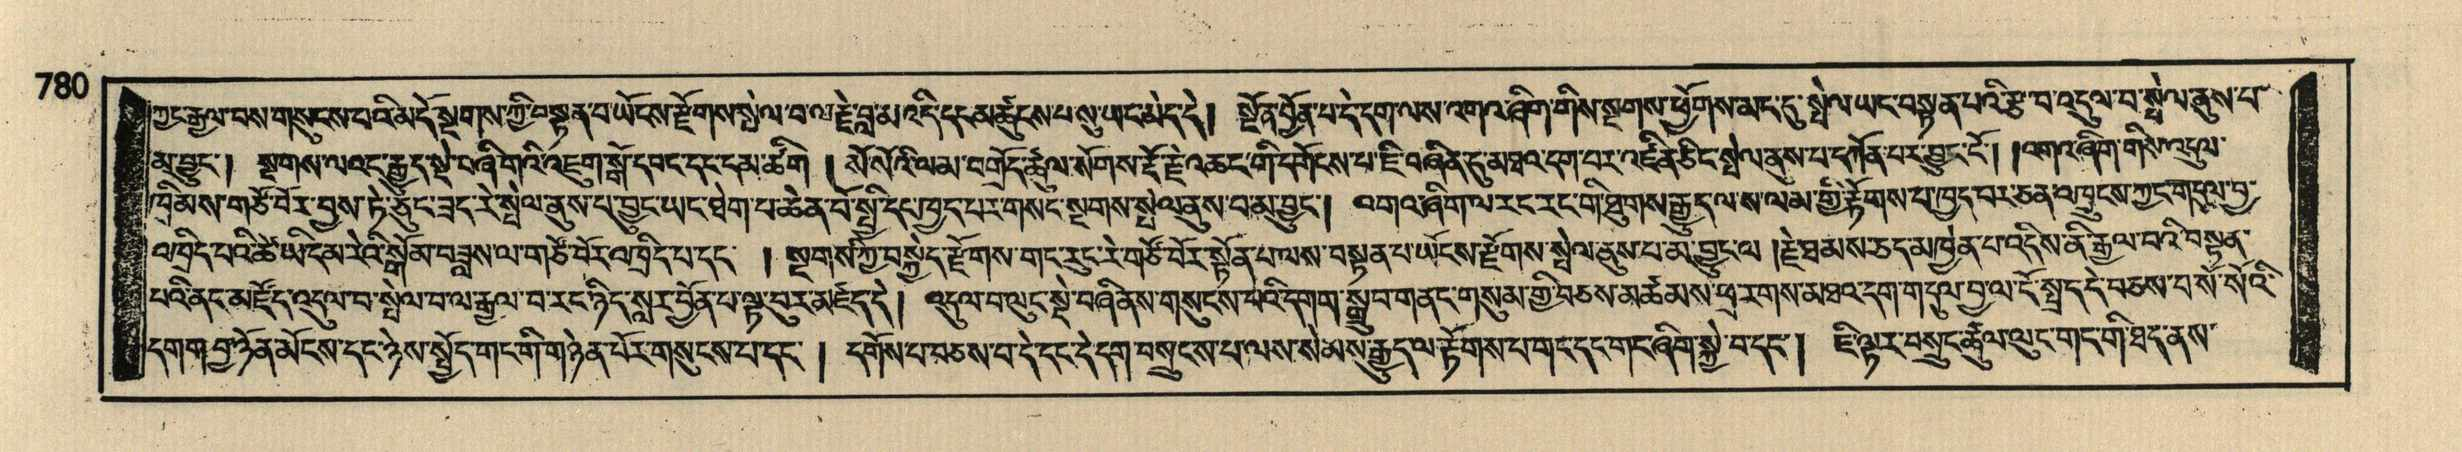ཀྱང་རྒྱལ་བས་གསུངས་པའི་མདོ་སྔགས་ཀྱི་བསྟན་བ་ཡོངས་རྫོགས་སྤེལ་བ་ལ་རྗེ་བླ་མ་འདི་དང་མཚུངས་པ་སུ་ཡང་མེད་དེ། སྔོན་བྱོན་པ་དེ་དག་ལས་འགའ་ཞིག་གིས་སྔགས་ཕྱོགས་མང་དུ་སྤེལ་ཡང་བསྟན་པའི་རྩ་བ་འདུལ་བ་སྤེལ་ནུས་པ་
མ་བྱུང་། སྔགས་ལའང་རྒྱུད་སྡེ་བཞི་གའི་འཇུག་སྒོ་དབང་དང་དམ་ཚིག །སོ་སོའི་ལམ་བགྲོད་ཚུལ་སོགས་རྡོ་རྗེ་འཆང་གི་དགོངས་པ་ཇི་བཞིན་དུ་མཐའ་དག་བར་འཛིན་ཅིང་སྤེལ་ནུས་པ་དཀོན་པར་བྱུང་ངོ། །འགའ་ཞིག་གིས་འདུལ་
ཁྲིམས་གཙོ་བོར་བྱས་ཏེ་ཅུང་ཟད་རེ་སྤེལ་ནུས་པ་བྱུང་ཡང་ཐེག་པ་ཆེན་པོ་སྤྱི་དང་ཁྱད་པར་གསང་སྔགས་སྤེལ་ནུས་བ་མ་བྱུང་། འགའ་ཞིག་ལ་རང་རང་གི་ཐུགས་རྒྱུད་ལ་ས་ལམ་གྱི་རྟོགས་པ་ཁྱད་པར་ཅན་འཁྲུངས་ཀྱང་གདུལ་བྱ་
འཁྲིད་པའི་ཚེ་ཡི་དམ་རེའི་སྒོམ་བཟླས་ལ་གཙོ་བོར་འཁྲིད་པ་དང་།སྔགས་ཀྱི་བསྐྱེད་རྫོགས་གང་རུང་རེ་གཙོ་བོར་སྟོན་པ་ལས་བསྟན་པ་ཡོངས་རྫོགས་སྤེལ་ནུས་པ་མ་བྱུང་ལ་།རྗེ་ཐམས་ཅད་མཁྱེན་པ་འདིས་ནི་རྒྱལ་བའི་བསྟན་
པའི་ནང་མཛོད་འདུལ་བ་སྤེལ་བ་ལ་རྒྱལ་བ་རང་ཉིད་སླར་བྱོན་པ་ལྟ་བུར་མཛད་དེ། འདུལ་བ་ལུང་སྡེ་བཞི་ནས་གསུངས་པའི་དགག་སྒྲུབ་གནང་གསུམ་གྱི་བཅས་མཚམས་ཕྲ་རགས་མཐའ་དག་གདུལ་བྱ་ལ་ངོ་སྤྲད་དེ་བཅས་པ་སོ་སོའི་
དགག་བྱ་ཉོན་མོངས་དང་ཉེས་སྤྱོད་གང་གི་གཉེན་པོར་གསུངས་པ་དང་། དགོས་པ་བཅས་བ་དེ་དང་དེ་དག་བསྲུངས་པ་ལས་སེམས་རྒྱུད་ལ་རྟོགས་པ་གང་དང་གང་ཞིག་སྐྱེ་བ་དང་། ཇི་ལྟར་བསྲུང་ཚུལ་ལུང་གང་གི་ཐད་ནས་